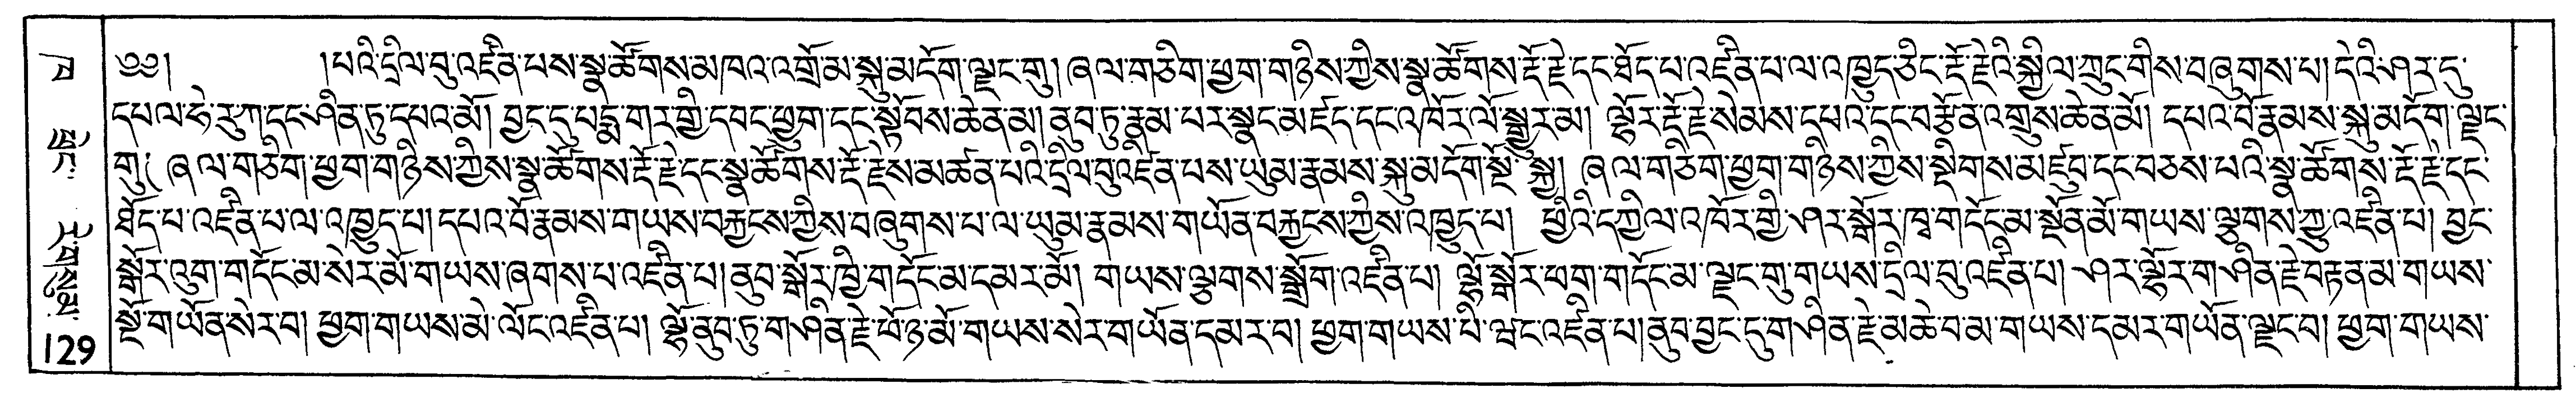༄༅། །པའི་དྲིལ་བུ་འཛིན་པས་སྣ་ཚོགས་མཁའ་འགྲོ་མ་སྐུ་མདོག་ལྗང་གུ །ཞལ་གཅིག་ཕྱག་གཉིས་ཀྱིས་སྣ་ཚོགས་རྡོ་རྗེ་དང་ཐོད་པ་འཛིན་པ་ལ་འཁྱུད་ཅིང་རྡོ་རྗེའི་སྐྱིལ་ཀྲུང་གིས་བཞུགས་པ། དེའི་ཤར་དུ་
དཔལ་ཧེ་རུ་ཀ་དང་ཤིན་ཏུ་དཔའ་མོ། བྱང་དུ་པདམ་གར་གྱི་དབང་ཕྱུག་དང་སྟོབས་ཆེན་མ། ནུབ་ཏུ་རྣམ་པར་སྣང་མཛད་དང་འཁོར་ལོ་སྒྱུར་མ། ལྷོར་རྡོ་རྗེ་སེམས་དཔའ་དང་བརྩོན་འགྲུས་ཆེན་མོ། དཔའ་བོ་རྣམས་སྐུ་མདོག་ལྗང་
གུ། ཞལ་གཅིག་ཕྱག་གཉིས་ཀྱིས་སྣ་ཚོགས་རྡོ་རྗེ་དང་སྣ་ཚོགས་རྡོ་རྗེས་མཚན་པའི་དྲིལ་བུ་འཛིན་པས་ཡུམ་རྣམས་སྐུ་མདོག་སྔོ་སྐྱ། ཞལ་གཅིག་ཕྱག་གཉིས་ཀྱིས་སྡིགས་མཛུབ་དང་བཅས་པའི་སྣ་ཚོགས་རྡོ་རྗེ་དང་
ཐོད་པ་འཛིན་པ་ལ་འཁྱུད་པ། དཔའ་བོ་རྣམས་གཡས་བརྐྱངས་ཀྱིས་བཞུགས་པ་ལ་ཡུམ་རྣམས་གཡོན་བརྐྱངས་ཀྱིས་འཁྱུད་པ། ཕྱིའི་དཀྱིལ་འཁོར་གྱི་ཤར་སྒོར་ཁྭ་གདོང་མ་སྔོན་མོ་གཡས་ལྕགས་ཀྱུ་འཛིན་པ། བྱང་
སྒོར་འུག་གདོང་མ་སེར་མོ་གཡས་ཞགས་པ་འཛིན་པ། ནུབ་སྒོར་ཁྱི་གདོང་མ་དམར་མོ། གཡས་ལྕགས་སྒྲོག་འཛིན་པ། ལྷོ་སྒོར་ཕག་གདོང་མ་ལྗང་གུ་གཡས་དྲིལ་བུ་འཛིན་པ། ཤར་ལྷོར་གཤིན་རྗེ་བརྟན་མ་གཡས་
སྔོ་གཡོན་སེར་བ། ཕྱག་གཡས་མེ་ལོང་འཛིན་པ། ལྷོ་ནུབ་ཏུ་གཤིན་རྗེ་ཕོ་ཉ་མོ་གཡས་སེར་གཡོན་དམར་བ། ཕྱག་གཡས་པི་ཝང་འཛིན་པ། ནུབ་བྱང་དུ་གཤིན་རྗེ་མཆེ་བ་མ་གཡས་དམར་གཡོན་ལྗང་བ། ཕྱག་གཡས་